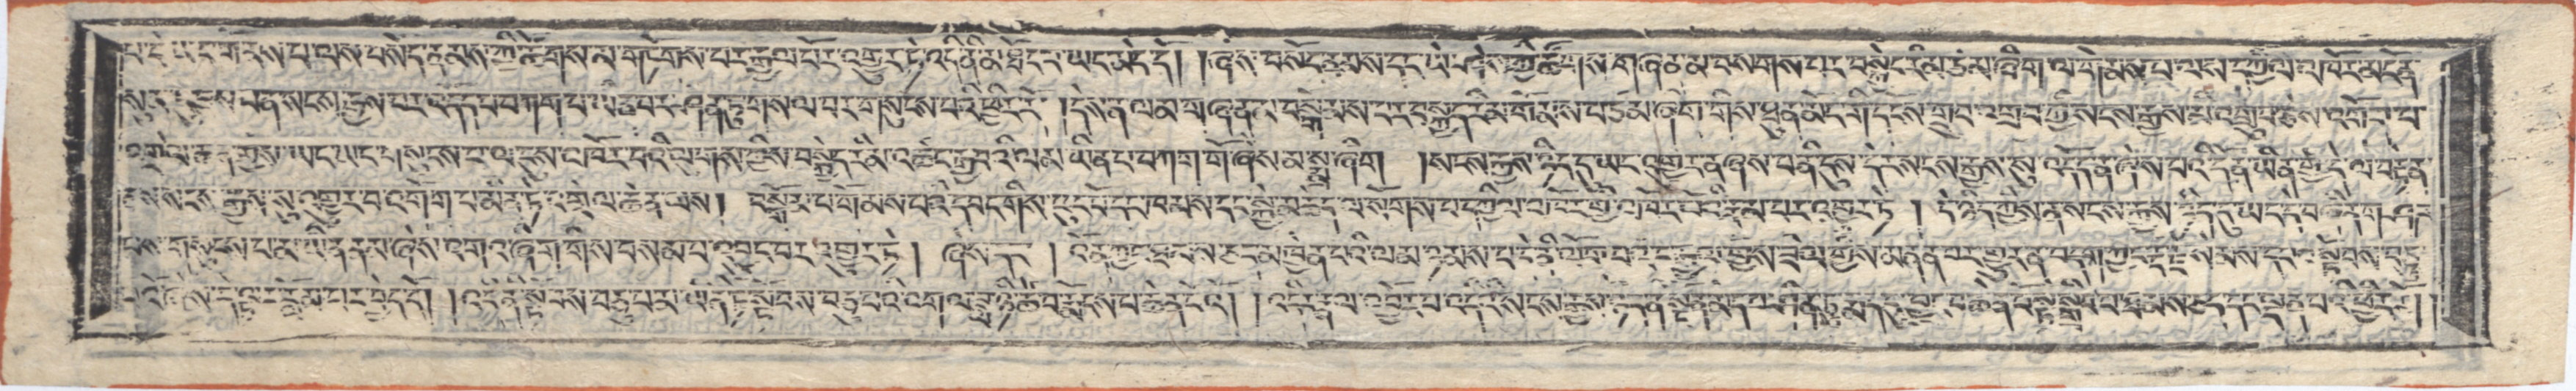པ་པོ་ཡང་གོམས་པ་ལས་བསོད་ནམས་ཀྱི་ཚོགས་མ་གཏོགས་པར་རྒྱལ་པོར་འགྱུར་ཏེ་འདི་ནི་མཐོང་བ་ཡང་མེད་དོ། །ཞེས་བསོད་ནམས་དང་ཡེ་ཤེས་ཀྱི་ཚོགས་གཞན་མ་བསགས་པར་བསྐྱེད་རིམ་ཙམ་ཞིག་ལ་གོམས་པ་ལས་དཀྱིལ་འཁོར་མངོན་
སུམ་དུ་བྱས་པ་ན་སངས་རྒྱས་པར་འདོད་པ་བཀག་པ་ཡིན་པར་ཤིན་ཏུ་གསལ་བར་གསུངས་པའི་ཕྱིར་རོ། །དེས་ན་ལམ་གཞན་མ་བསྒོམས་པར་བསྐྱེད་རིམ་གོམས་པ་ཙམ་ཞིག་གིས་ཐུན་མོང་གི་དངོས་གྲུབ་འགྲུབ་ཀྱི་སངས་རྒྱས་མི་འགྲུབ་ཅེས་འགོག་པ་
འགྲེལ་ཆན་གྱིས་ཡང་ཡང་གསུངས་པ་ལ་དུས་འཁོར་བའི་ལུགས་ཀྱིས་བསྐྱེད་རིམ་འཚང་རྒྱ་བའི་ལམ་ཡིན་པ་བཀག་གོ་ཞེས་མ་སྨྲ་ཞིག །སངས་རྒྱས་ཉིད་དུ་ཡང་འགྱུར་ན་ཞེས་པ་ནི་དུས་དེར་སངས་རྒྱས་སུ་འདོད་ན་ཞེས་པའི་དོན་ཡིན་གྱི་དེ་ལ་བརྟེན་
ཅས་སངས་རྒྱས་སུ་འགྱུར་བ་འགོག་པ་མིན་ཏེ་འགྲེལ་ཆེན་ལས། བསྒོམ་པ་གོམས་པའི་དབང་གིས་ཕུང་པོ་དང་ཁམས་དང་སྐྱེ་མཆེད་ལ་སོགས་པ་དཀྱིལ་འཁོར་གྱི་འཁོར་ལོའི་རྣམ་པར་འགྱུར་ཏེ། དེ་ཉིད་ཀྱིས་ན་སངས་རྒྱས་ཉིད་དུ་ཡང་དེ་བཞིན་གཤེགས་
པས་གསུངས་པ་མ་ཡིན་ནམ་ཞེས་འགའ་ཞིག་གིས་བསམ་པ་འབྱུང་བར་འགྱུར་ཏེ། ཞེས་དང་། འོན་ཀྱང་ཐམས་ཅད་མཁྱེན་པའི་ལམ་ཉམས་པ་དེ་ནི་ལོག་པའི་ང་རྒྱལ་གྱིས་ཟིལ་གྱིས་མནན་པར་གྱུར་ན་བདག་ཀྱང་རྡོ་རྗེ་སེམས་དཔའ་སྟོབས་བཅུ་
པའོ་ཞེས་དེ་ལྟར་རློམ་པར་བྱེད་དོ། །འདི་ནི་སྟོབས་བཅུ་པ་མ་ཡིན་ཏེ་སྟོབས་བཅུ་པའི་འགལ་ཟླ་ཉི་ཚེ་བ་རྨོངས་པ་ཆེན་པོའོ། །འདིར་རྣལ་འབྱོར་པ་འདིའི་སངས་རྒྱས་ཉིད་ནི་སྔོན་མེད་བ་ཤིན་ཏུ་རྨད་དུ་བྱུང་བ་ཆེན་པོ་སྟེ་སྒྲིབ་པ་ཐམས་ཅད་དང་ལྡན་པའི་ཕྱིར་རོ། །